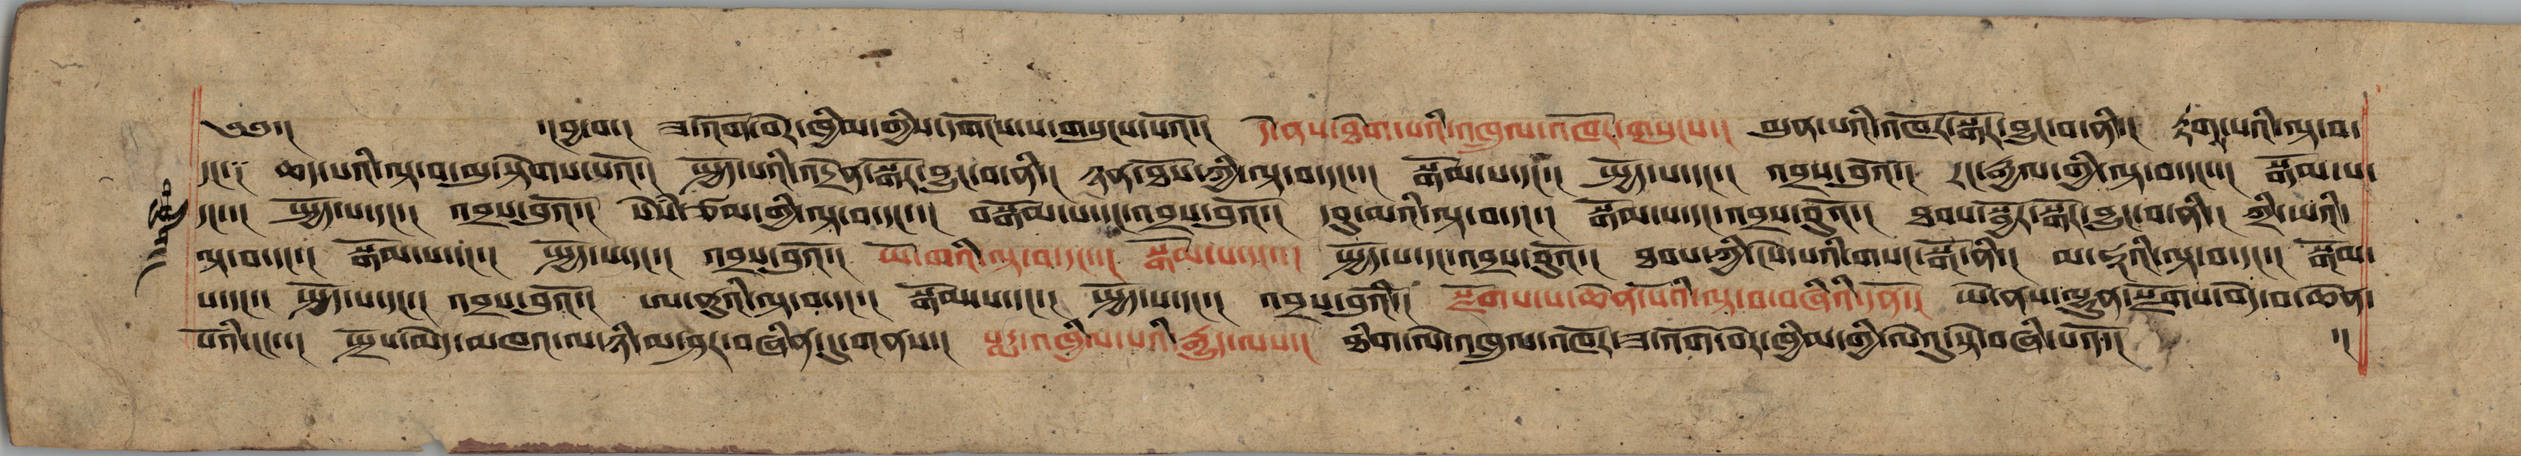༄༅་། ་།བྱ་བ་། ཟ་འོག་བེར་ཁྱིམ་གྱིས་དགོངས་པ་གསུངས་པའོ་། དེ་ནས་ཐེག་པའི་འཁྲུལ་འཁོར་གསུངས་། མུན་པའི་འཁོར་སྒོར་བྱུང་བ་ནི་། རྟག་པའི་ལྟ་བ་
དང་༑ ཆད་པའི་ལྟ་བ་མུ་སྟེགས་པའོ་། སྤྱོད་པའི་འདྲེན་སྒོར་བྱུང་བ་ནི་། ཉན་ཐོས་ཀྱི་ལྟ་བ་དང་་། སྒོམ་པ་དང་། སྤྱོད་པ་དང་། འབྲས་བུའོ་། རང་རྒྱལ་གྱི་ལྟ་བ་དང་་། སྒོམ་པ་
དང་་། སྤྱོད་པ་དང་། འབྲས་བུའོ་། སེཾས་ཙམ་གྱི་ལྟ་བ་དང་་། བསྒོམ་པ་དང་འབྲས་བུའོ་། དབུ་མའི་ལྟ་བ་དང་། སྒོམ་པ་དང་འབྲས་བུའོ་། ཐབས་སྦྱོར་སྒོར་བྱུང་བ་ནི་། ཀྲི་ཡའི་
ལྟ་བ་དང་། སྒོམ་པ་དང་། སྤྱོད་པ་དང་། འབྲས་བུའོ་། ཡོ་གའི་ལྟ་བ་དང་་། སྒོམ་པ་དང་་། སྤྱོད་པ་དང་འབྲས་བུའོ་། ཐབས་ཀྱི་ངེས་པའི་གསང་སྒོ་ནི་། མ་ཧཱའི་ལྟ་བ་དང་། སྒོམ་
པ་དང་་ སྤྱོད་པ་དང་། འབྲས་བུའོ་། ཨ་ནུའི་ལྟ་བ་དང་། སྒོམ་པ་དང་། སྤྱོད་པ་དང་། འབྲས་བུའོ་། སྫོགས་པ་ཆེན་པོའི་ལྟ་བ་བཞིའི་དོན་། ཡེ་ནས་ལྷུན་སྫོགས་བདེ་བ་ཆེན་
པོའི་ངང་་། སྤྲོས་མེད་མཁའ་ལ་ཉི་མ་ཤར་བཞིན་དུ་གནས་། པདྨ་འཁྱིལ་པའི་རྒྱུད་ལས་། ཐིག་ལེ་འཁྲུལ་འཁོར་ཟ་འོག་བེར་ཁྱིམ་གྱི་ལེའུ་སྟེ་བཞི་པའོ་།